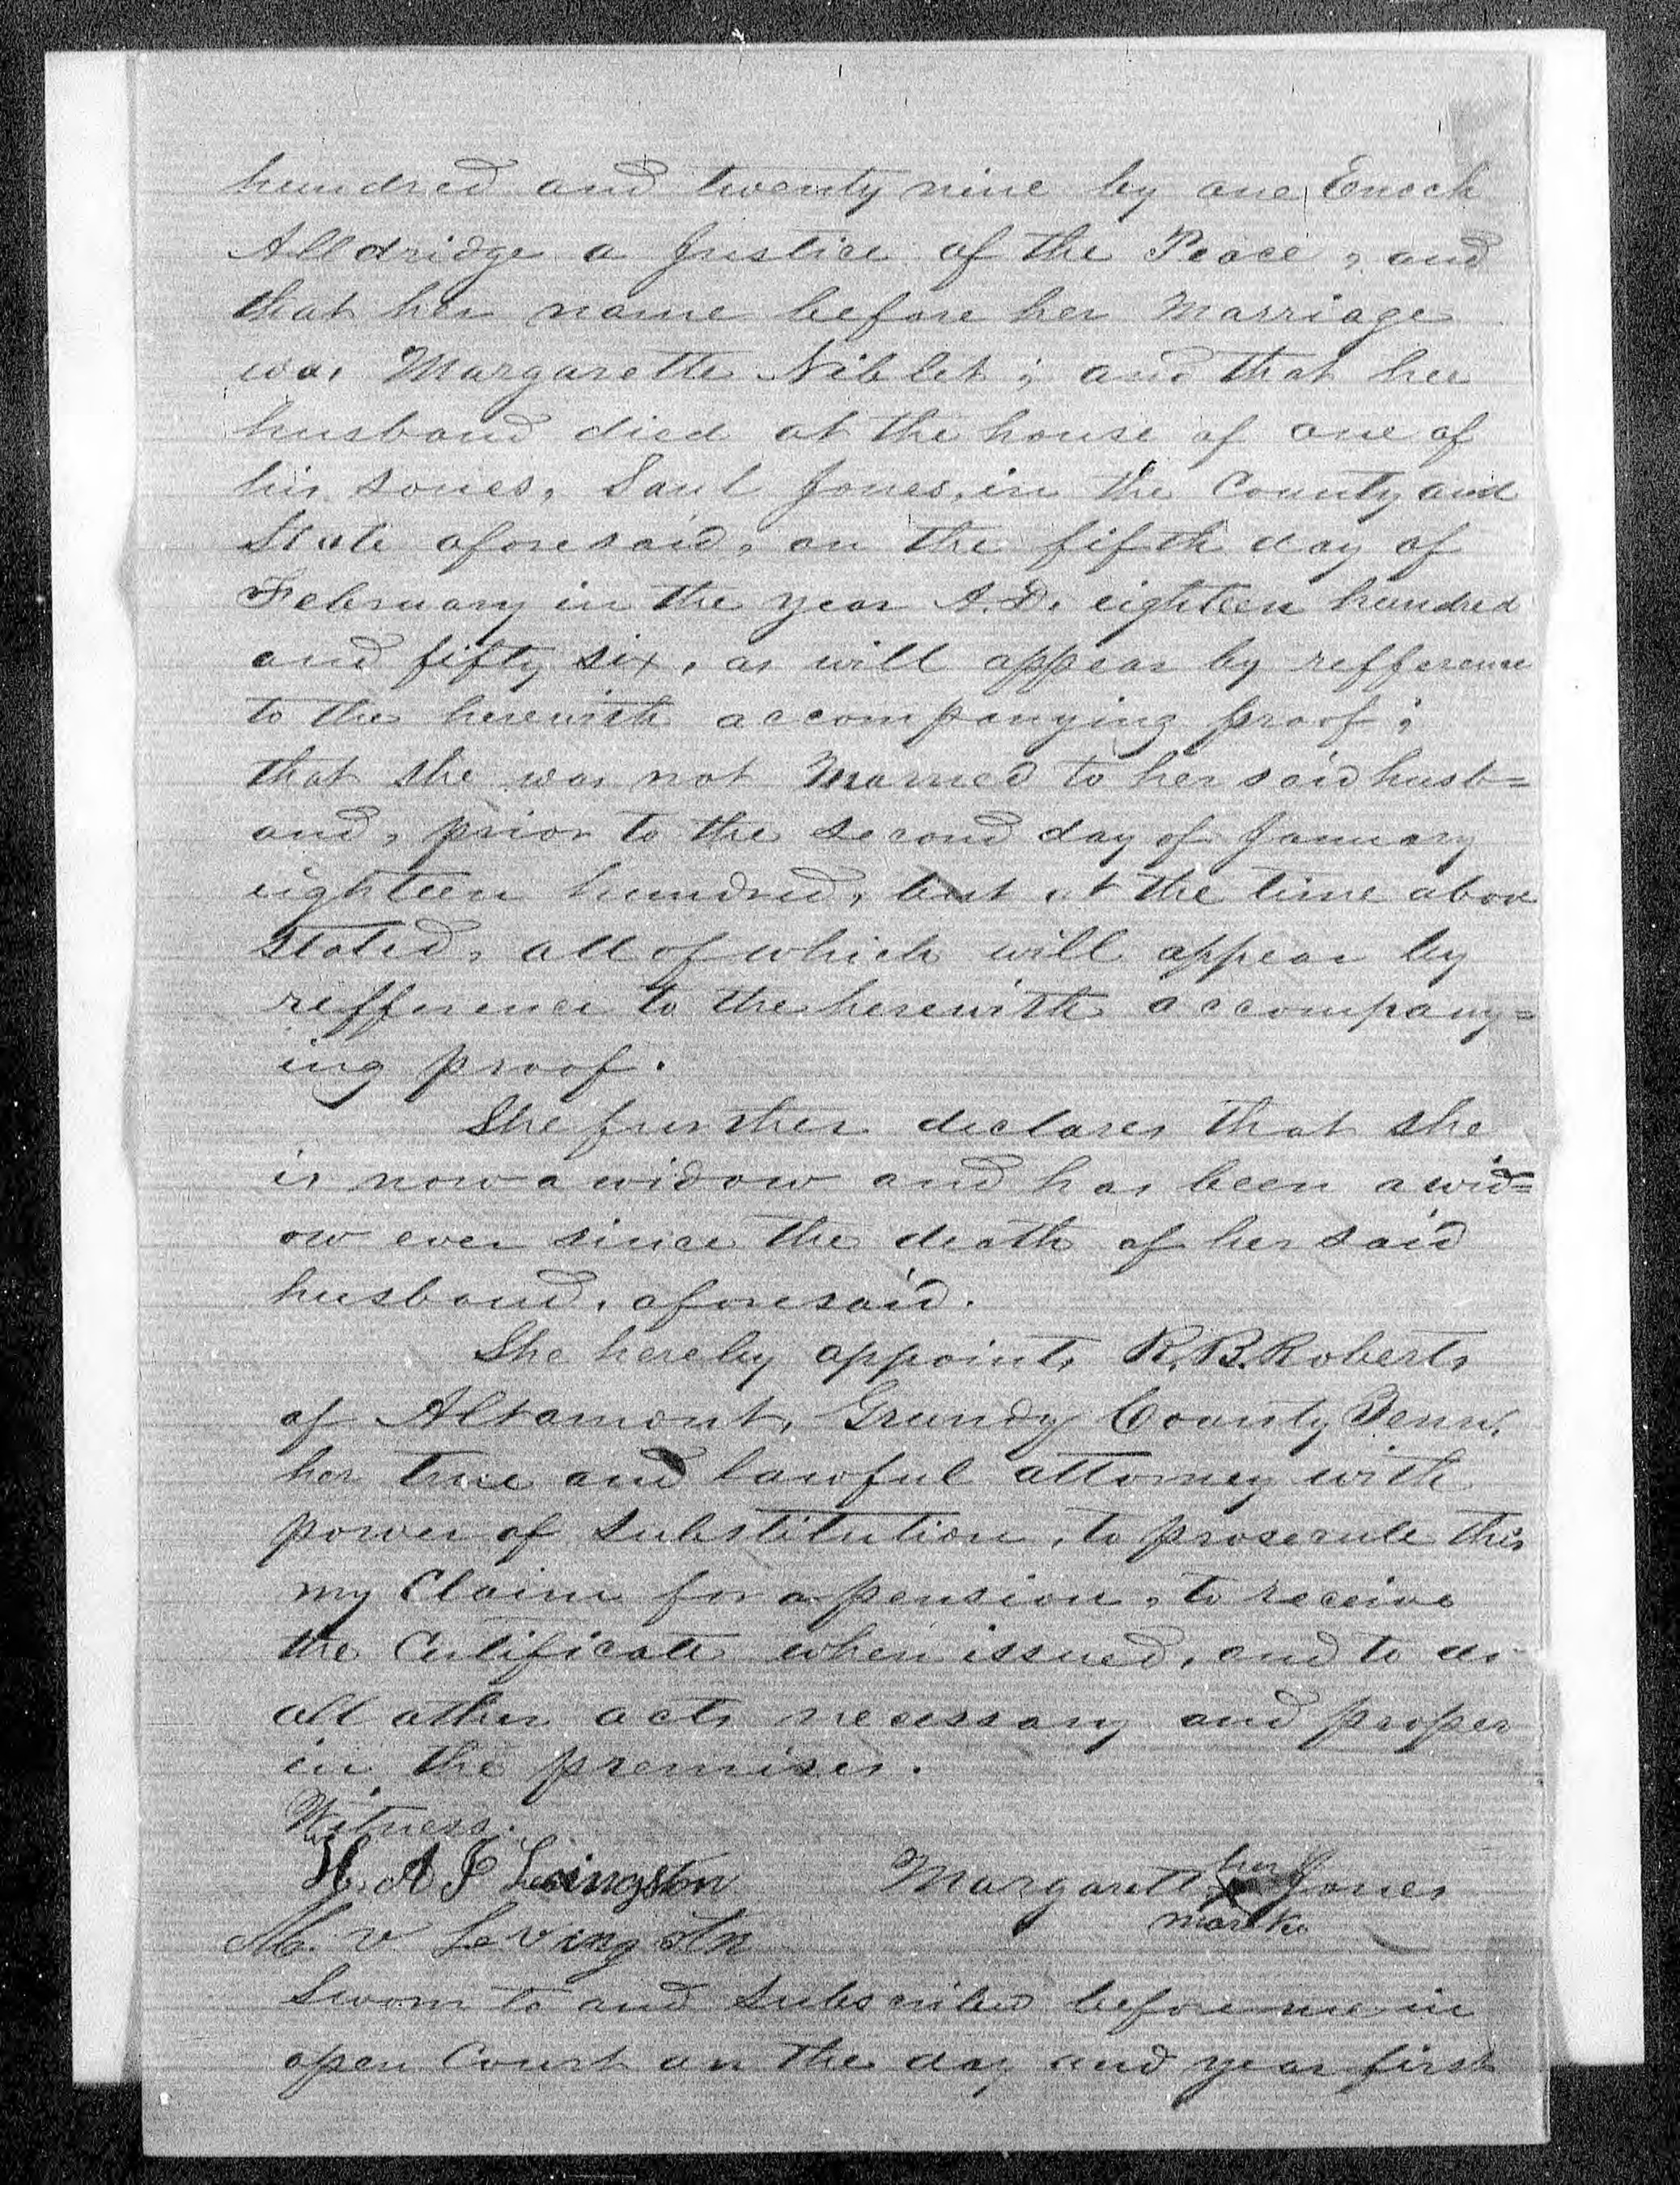hundred and twenty nine by one Enoch
Aldridge a Justice of the Peace and
that her name before her marriage
was Margarette Wiblet [? possibly Niblet] and that her 
husband died at the house of one of 
his sores [?], Said Jones in the county and
State aforesaid on the fifth day of
February in the year A.D. eighteen hundred
and fifty six, as well appears by refference
to the herewith accompanying proof;
that she was not married to her said husband, 
and prior to the second day of January 
eighteen hundred but at the time above
stated all of which well appears by 
refferences to the herewith accompanying
proof.
She further declares that she 
is now a widow and has been a widow
every since the death of her said
husband aforesaid.
She hereby appoint R. B. Roberts
of Altamont, Grundy County Tenn.
her true and lawful attorney with 
powers of Substitution to prosecute this 
my claim for a pension to receive
the Certificate when issued and to do 
all other acts necessary and proper
in the promises.
Witness
Hon A J Livingston     Margarett Jones 
      [Levingston]           [her mark]
Ala
Sworn to and Subscribed before me in 
open court on the day and year first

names: [BLANK] Alldridge; Margarett Jones; Saul Jones; M V Levingston; H A J Levingston; R B Roberts; Margarette Niblet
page: 14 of 45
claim: widow's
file: W. 26160, for Thomas C Jones, Georgia